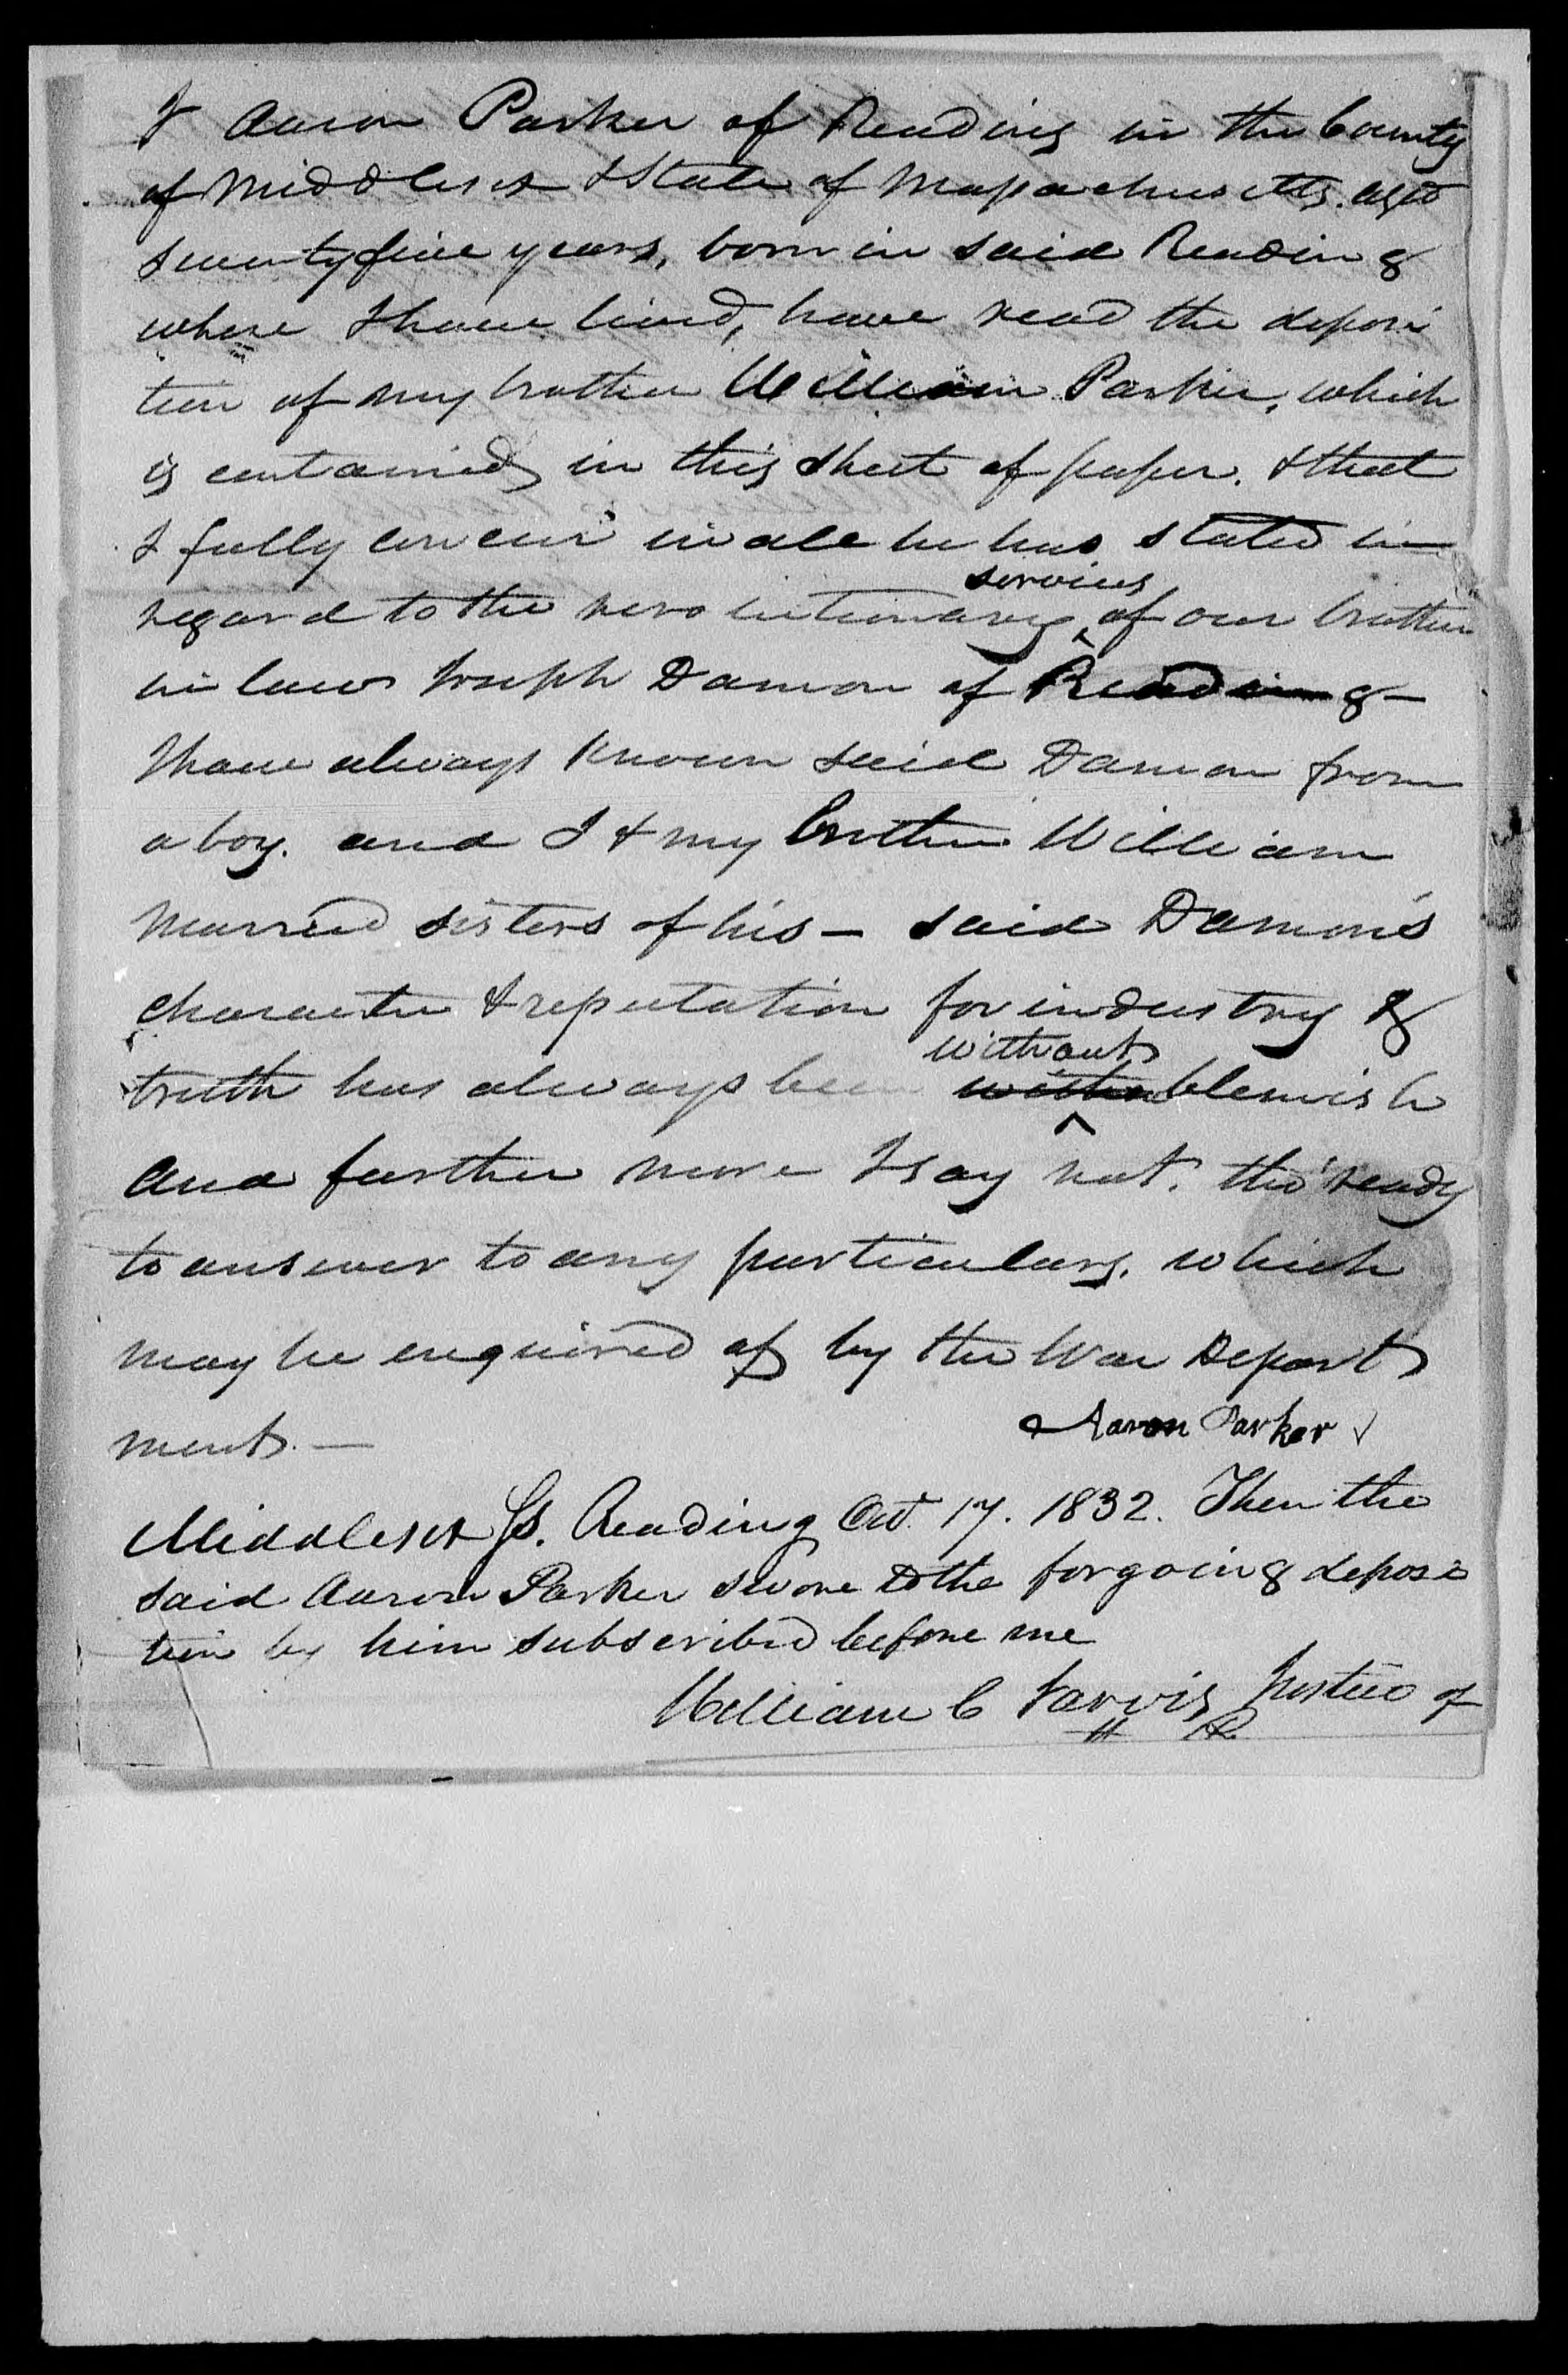I Aaron Parker of Reading in the County of Middlesex ss. & State of Massachusetts aged twenty-five years, born in said Reading where I have lived, have read the deposition of my brother William Parker, which is contained in this sheet of paper. & that I fully concur in all he has stated in regard to the revolutionary services of our brother in law Joseph Damon of Reading- I have always known said Damon from a boy and I & my brother William married sisters of his - said Damon's character & reputation for industry & truth has always been without blemish and further more I say not. tho' ready to answer to any particulars which may be required of by the War Department. -
Aaron Parker
Middlesex ss. Reading Oct. 17. 1832. Then the said Aaron Parker swore to the forgoing deposition by him subscribed before me.
William C Jarvis Justice of the Peace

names: William C Jarvis, William Parker, Aaron Parker, Aaron Parker, Joseph Damon, William, Damon, Aaron Parker, Damon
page: 23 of 28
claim: survivor's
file: S. 17376, Joseph Damon, Continental Mass.